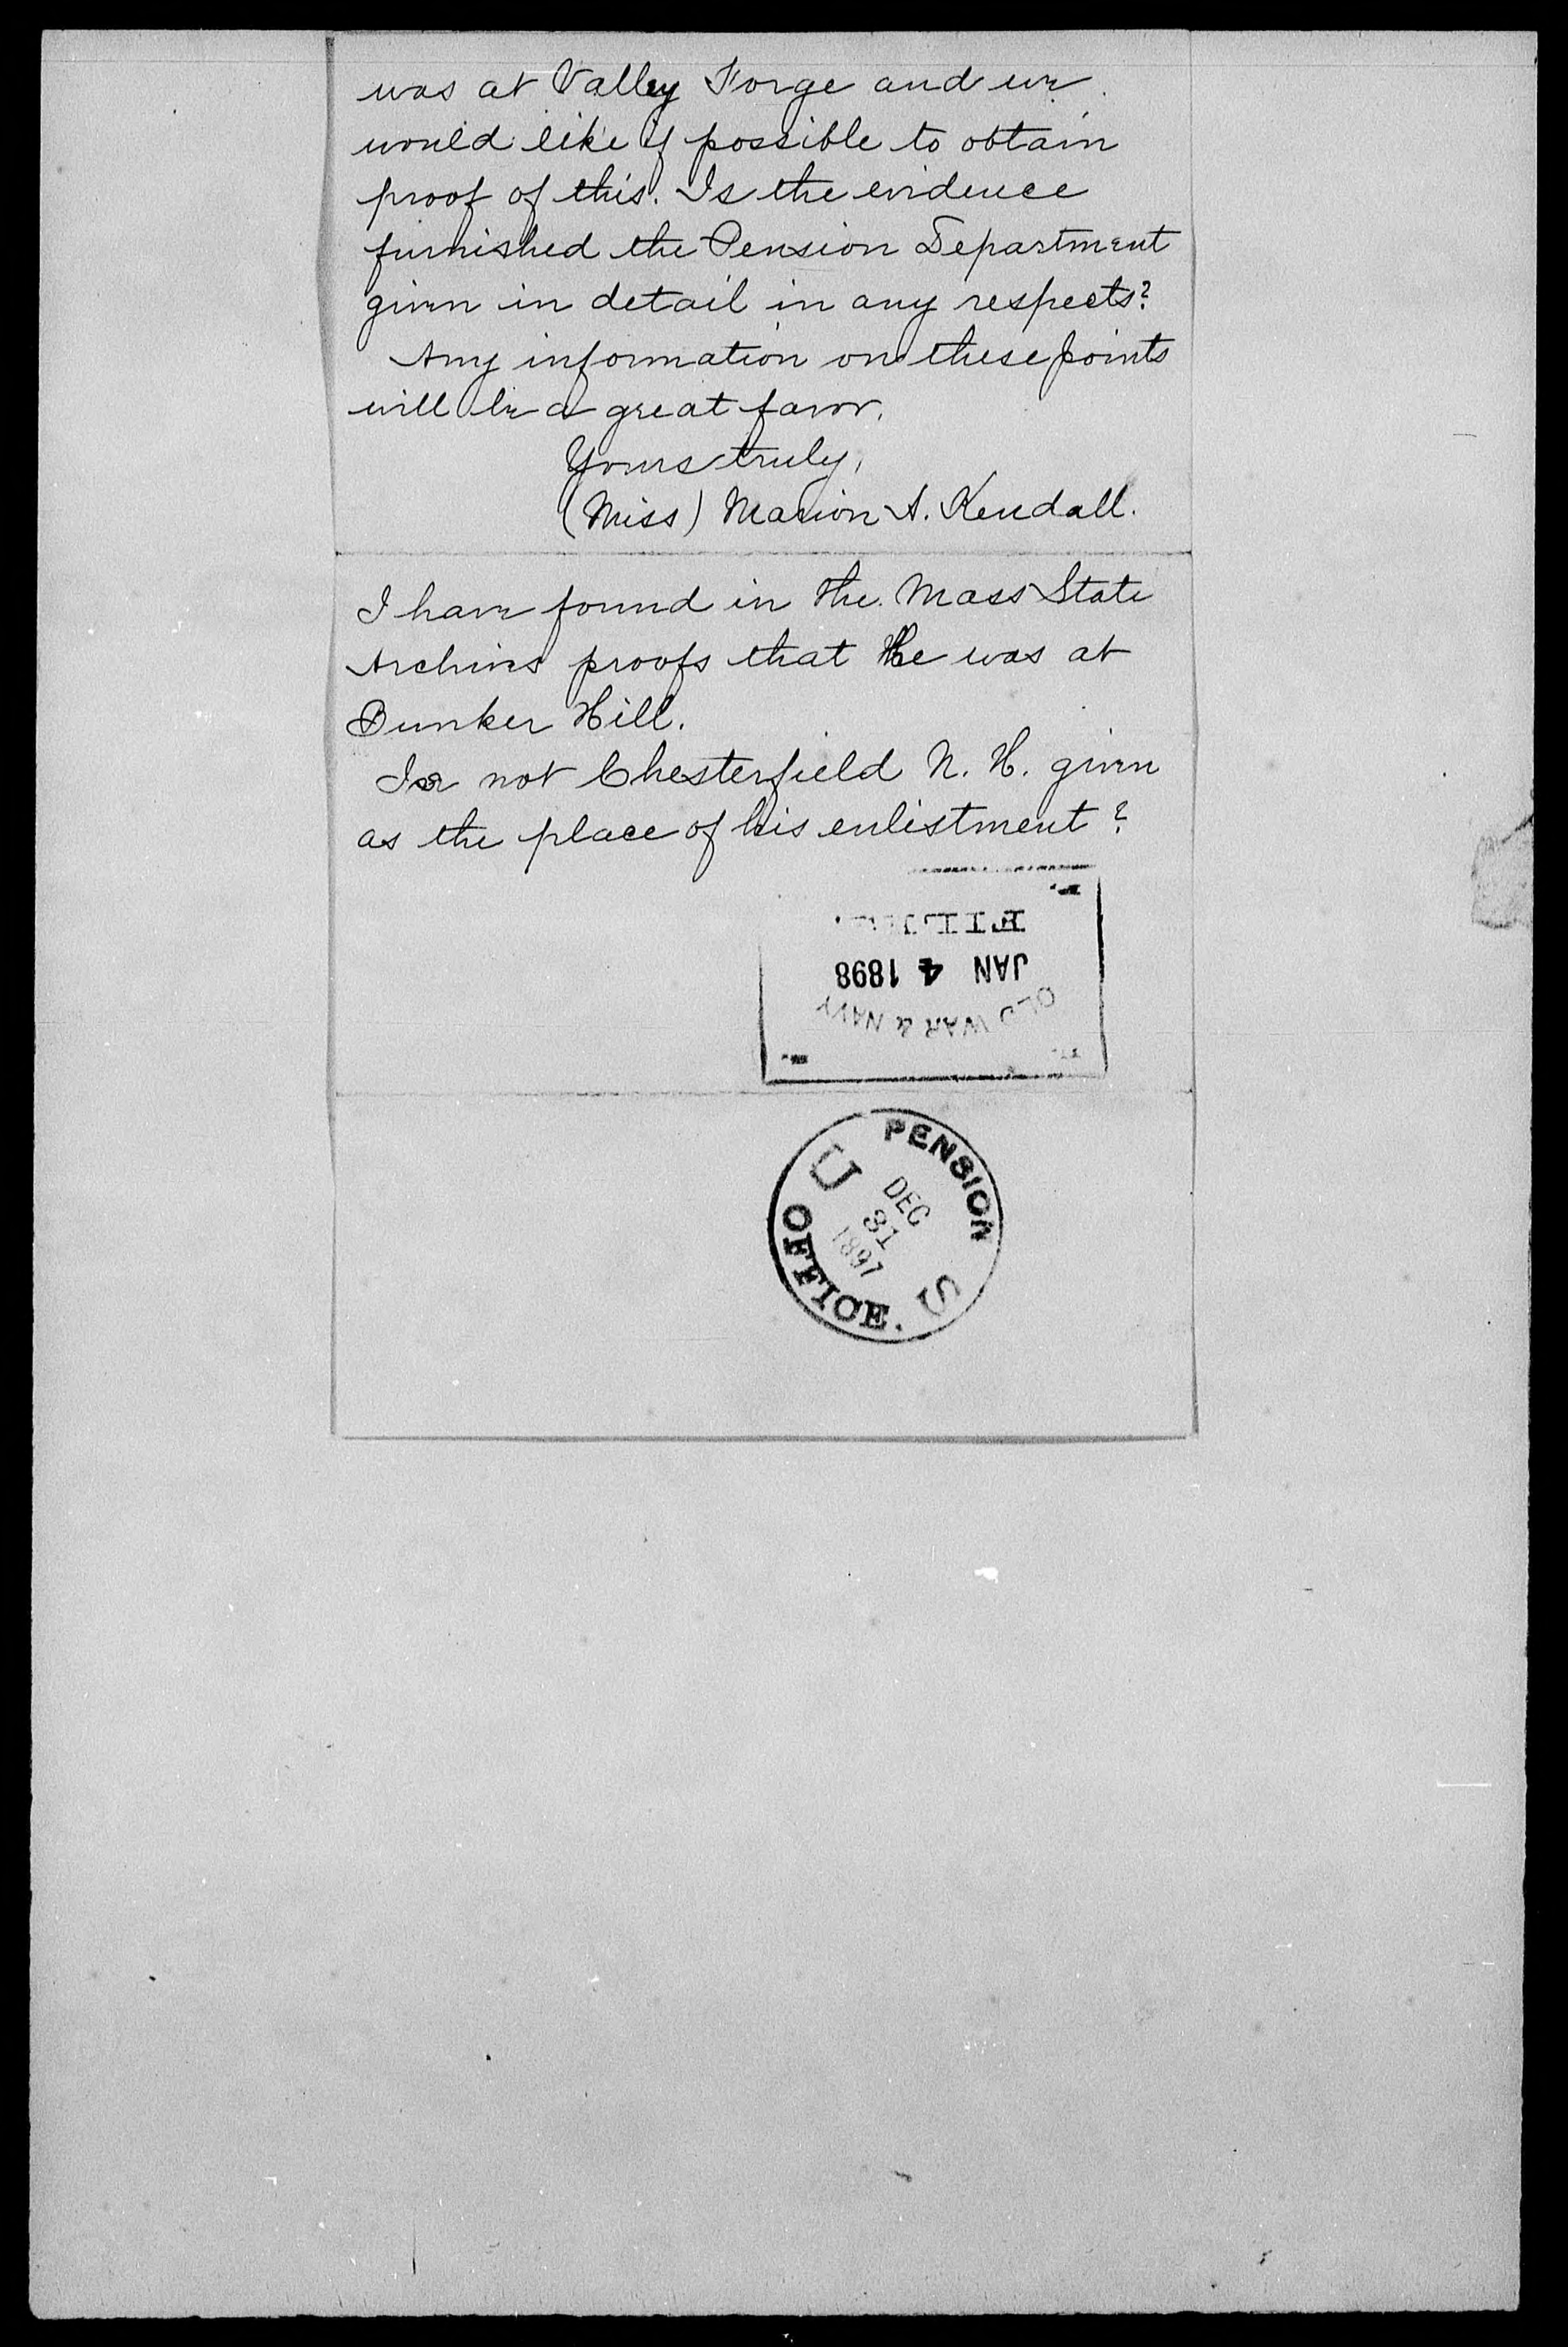[page 2]

was at Valley Forge and we would like if possible to obtain proof of this.  Is the evidence furnished the Pension Department given in detail in any respects?
Any information on these points will be a great favor.
Yours truly,
[signed] (Miss) Marion A. Kendall

I have found in the Mass State Archives proofs that he was at Bunker Hill.
Is not Chesterfield N.H. given as the place of his enlistment?

[upside down stamp]
OLD WAR & NAVY
JAN 4 1898
FILES.

[another stamp] 
US PENSION OFFICE.
 DEC 31 1897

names: Marion A Kendall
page: 34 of 43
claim: widow's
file: W 683, John Daniels, Continental Mass. N.H.